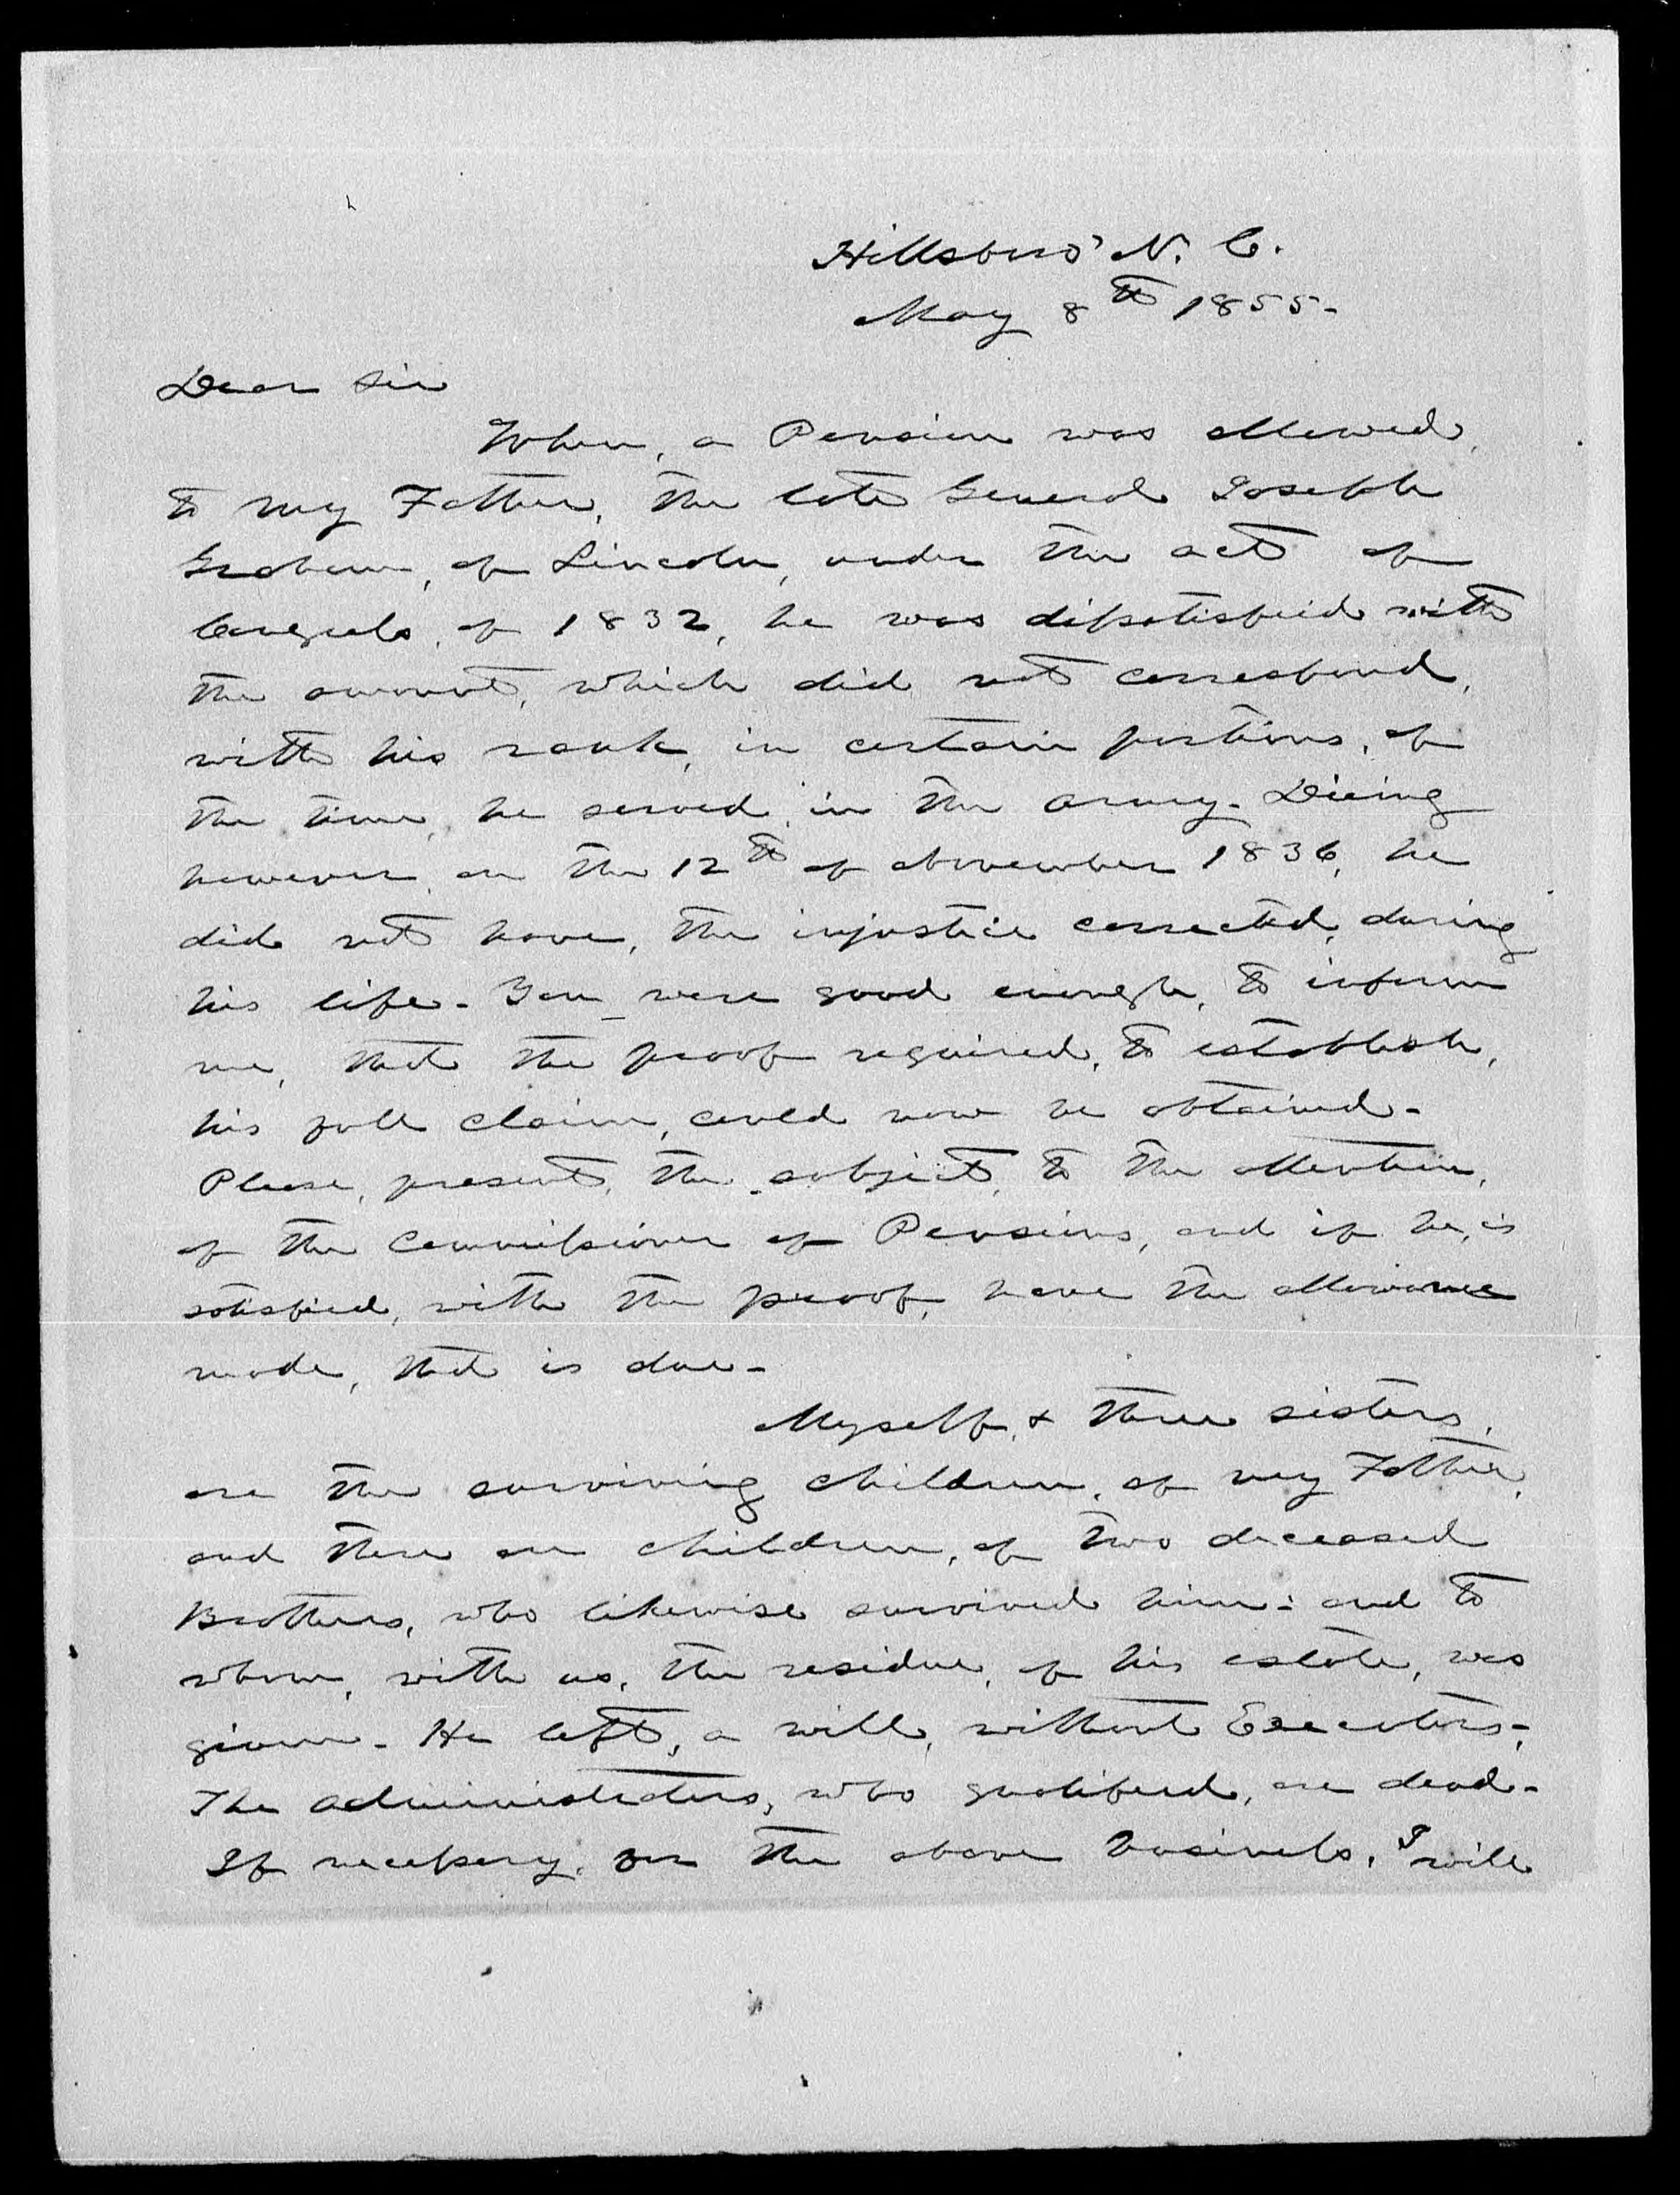Hillsboro'N.C.
May 8th 1855 -

Dear Sir

When a Pension was allowed to my Father the late General Joseph Graham of Lincoln, under the act of Congress of 1832 he was disatisfied with the amount which did not correspond with his rank in certain positions of the time he served in the army. Dieing however, on the 12th of November 1836 he did not have the injustice correted during his life. You were good enough to inform me that the proof required to establish his full claim could now be obtaind. Please, present, the suject to the mention of the Commissioner of Pensions and if he is satisfied with the proof have the allowance made that is due.
Myself & three sisters are the surviving children of my Father and there are  children of two deceased Brothers, who likewise, survived him and to whom, with us, the residue fo his estate, was given. He left a will without Executors - The administrators, who qualified are dead. If necessary for the above buiness, I will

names: Joseph Graham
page: 52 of 55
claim: survivor's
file: S. 6,937, Joseph Graham, N.C.